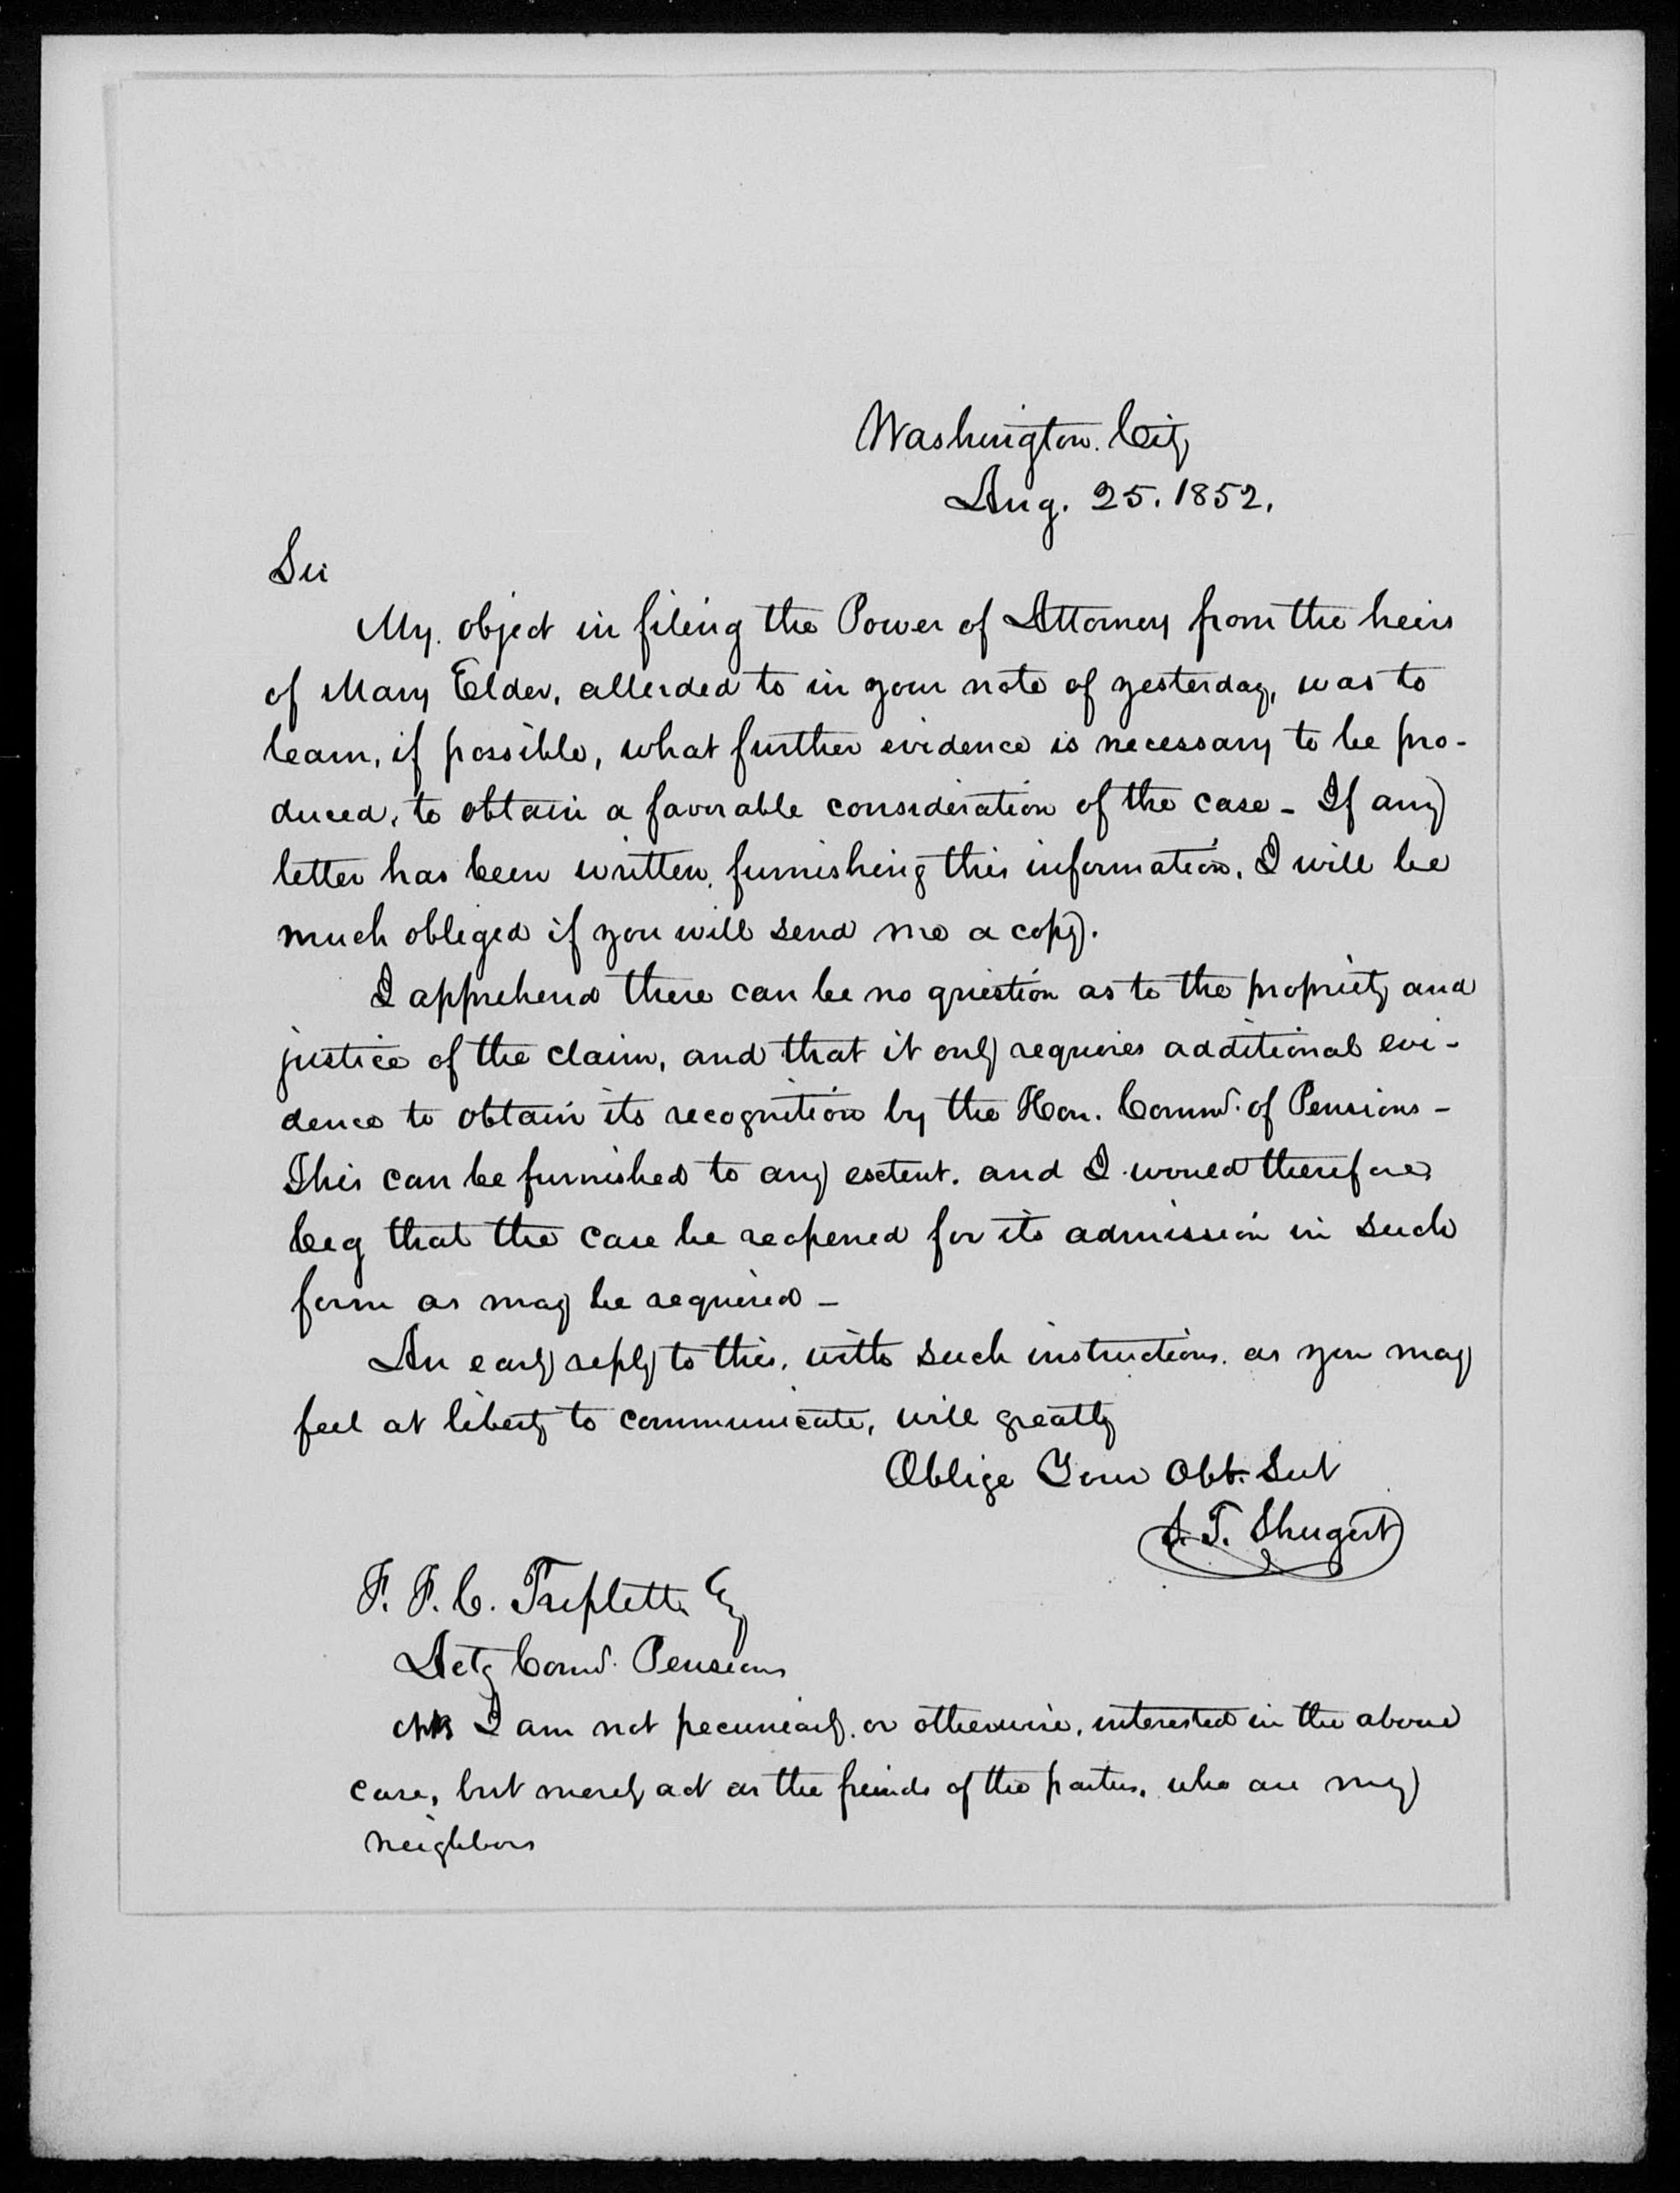Washington City
Aug. 25, 1852.
Sir, My object in filing the Power of Attorney from the heirs of Mary Elder, alluded to in your note of yesterday, was to learn, if possible, what further evidence is necessary to be produced, to obtain a favorable consideration of the case. If any letter has been written, furnishing this information, I will be much obliged if you will send me a copy.
I apprehend there can be no question as to the propriety and justice of the claim, and that it only requires additional evidence to obtain its recognition by the Hon. Comm of Pensions -
This can be furnished to any extent, and I would therefore beg that the case be reopened for its admission in such form as may be required-
An early reply to this with such instructions as you may feel at liberty to communicate, will greatly
Oblige your Obb. S
S.T Shugart

F.F.C. Triplett 
[illegible]
I am not pecuniary, or otherwise, interested in the above case, but merely act as the friends of the parties, who are my neighbors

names: Mary Elder, F F C Triplett, S T Shugert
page: 50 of 80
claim: widow's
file: W. 24117, John Elder, Penn.